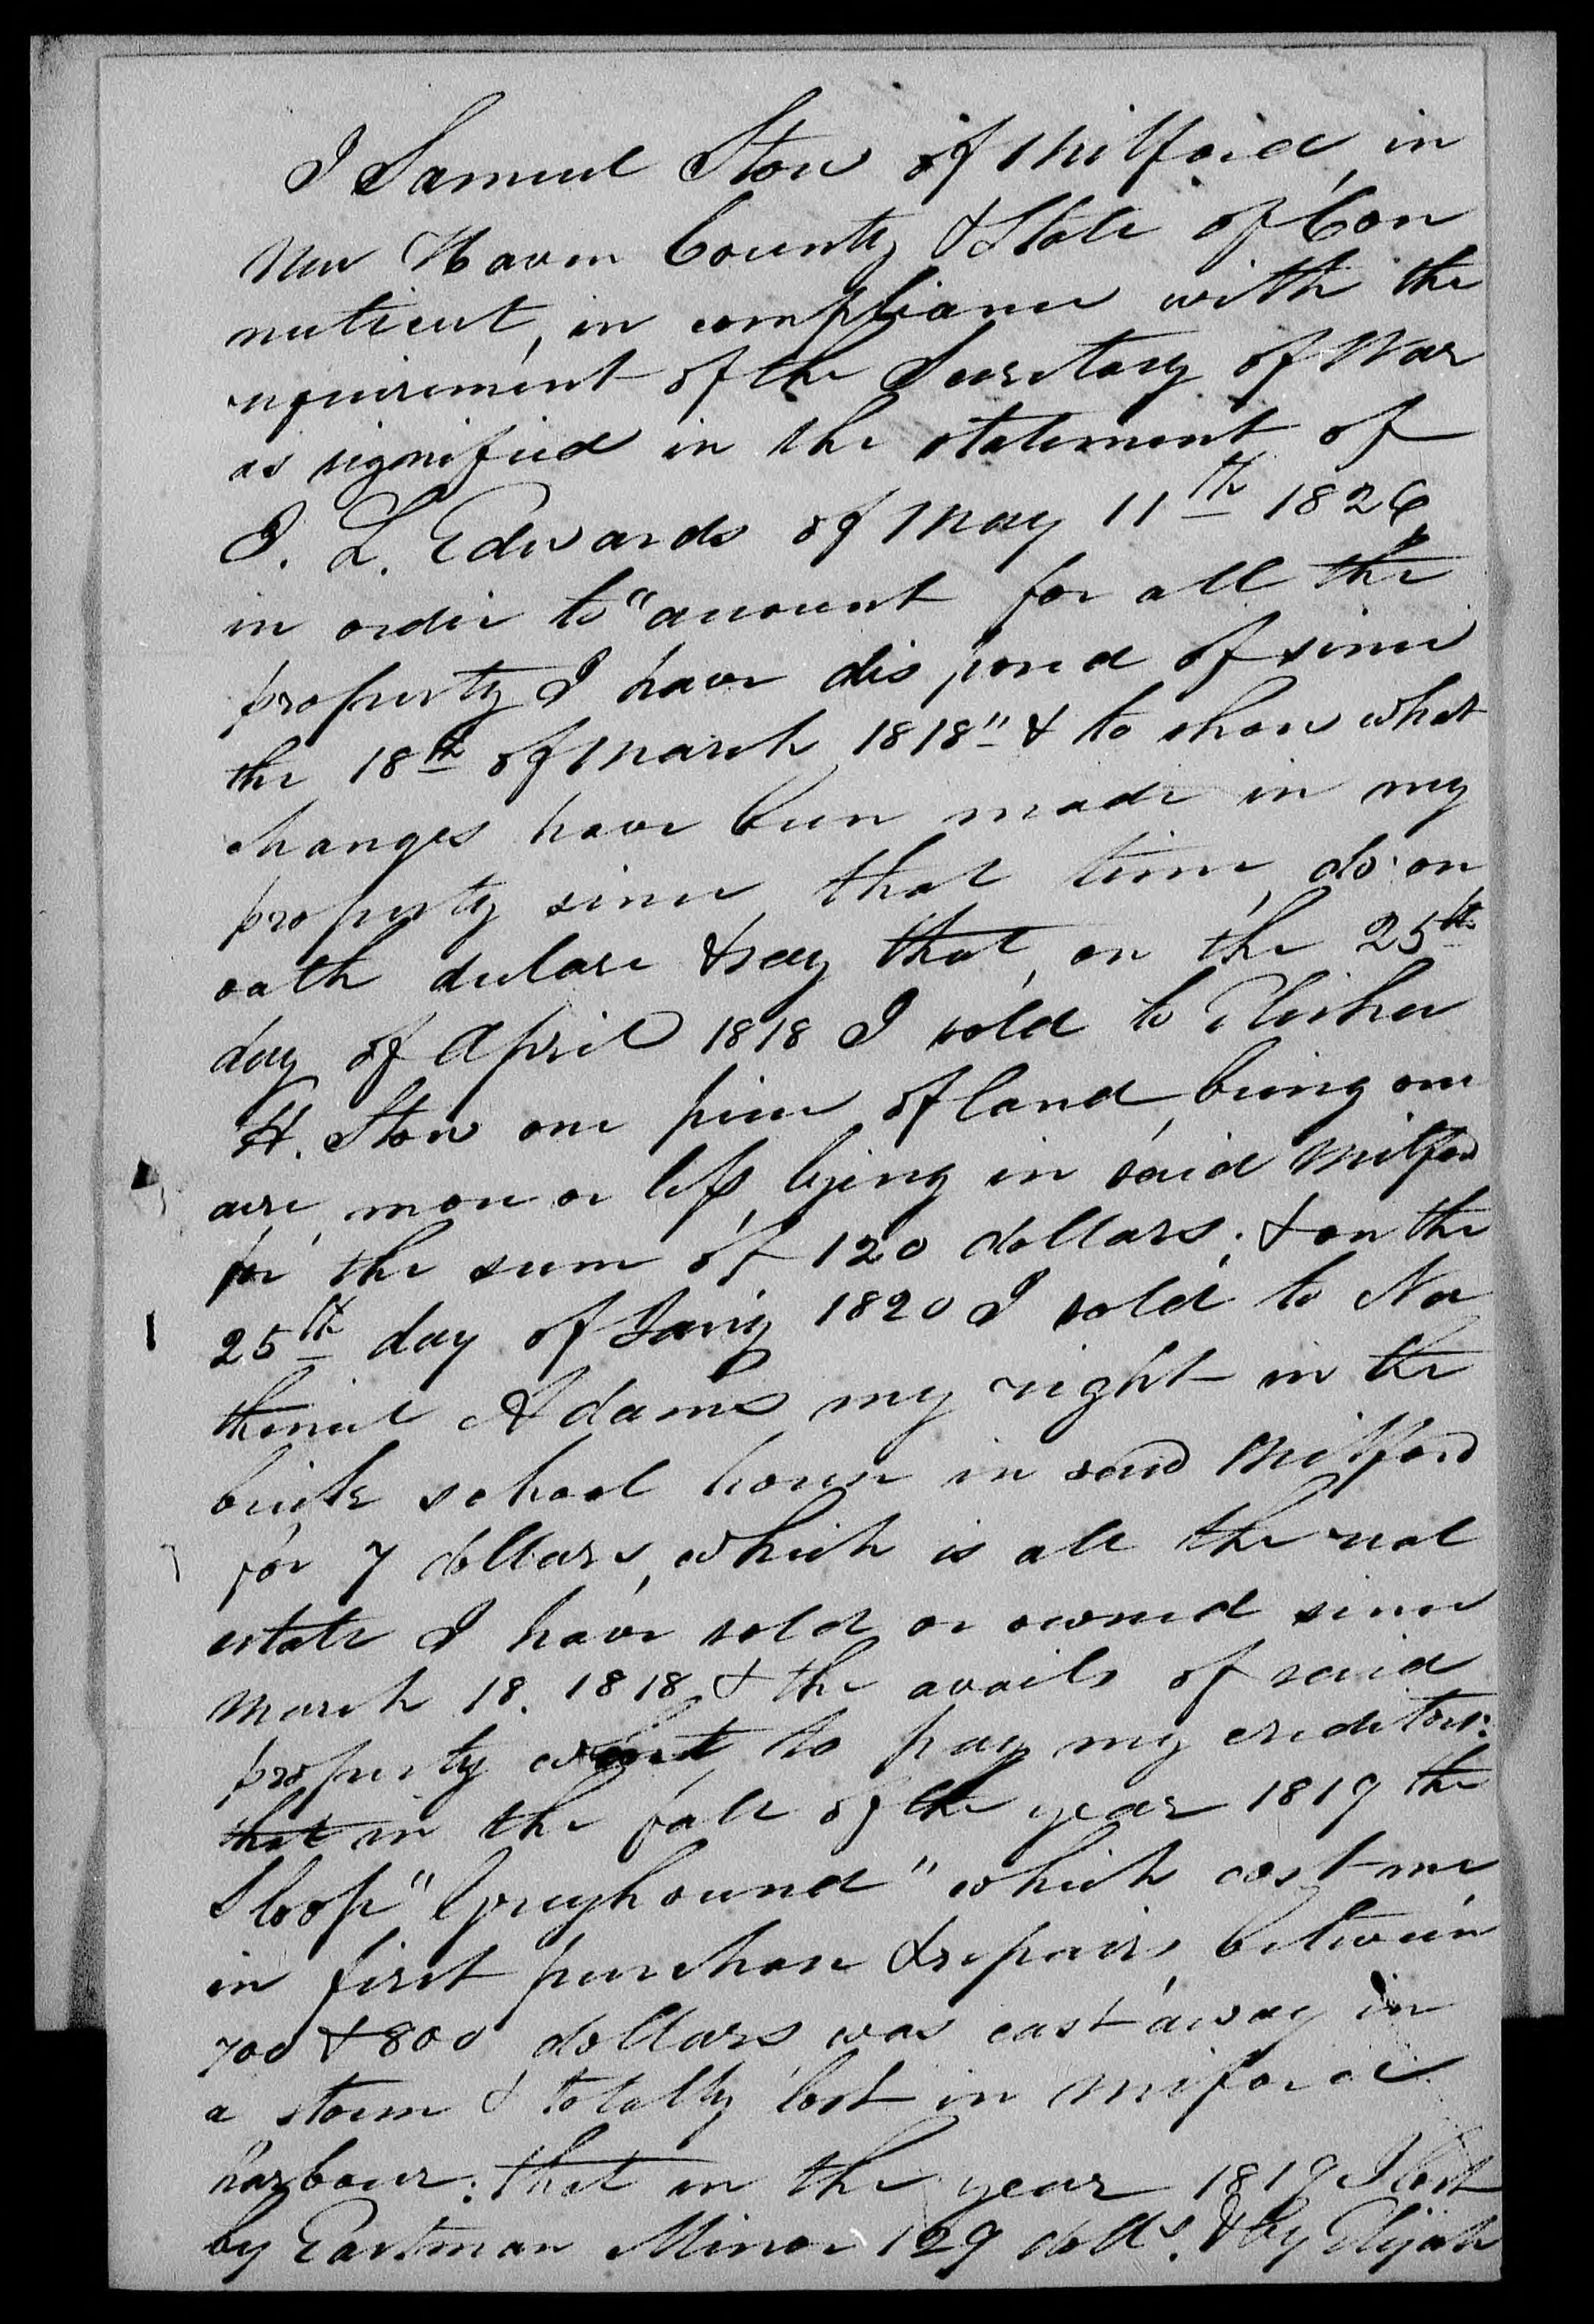I Samuel Stow of Milford in New Haven County & State of Connecticut, in compliance
with the requirement of the Secretary of War
as signified in the statement of J. L. Edwards of May 11th 1826, in order to "account for all the
property I have disposed of since the 18th of March 1818" & to show what changes have been made in my property since that time, do on oath declare & say that on the 25th day
of April 1818 I sold to Elisha H. Stow one piece of land, being one acre more or less, lying in said Milford for the sum of 120 dollars; & on the 25th day of Jany 1820 I sold to Nathaniel
 Adams my right in the brick school house in said Milford for 7 dollars, which is all the real
estate I have sold or owned since March 18, 1818 & the avails of said property went to pay my creditors;  that in the fall of the year 1819 the Sloop "Greyhound" which cost me in
first purchase & repairs between 700 & 800
dollars was cast away in a storm & totally lost in Milford Harbour; that in the year 1819 I lost
by Eastman Minor 129 dollars & by Elijah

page: 30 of 42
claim: survivor's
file: S. 36,819, for Samuel Stow, Connecticut